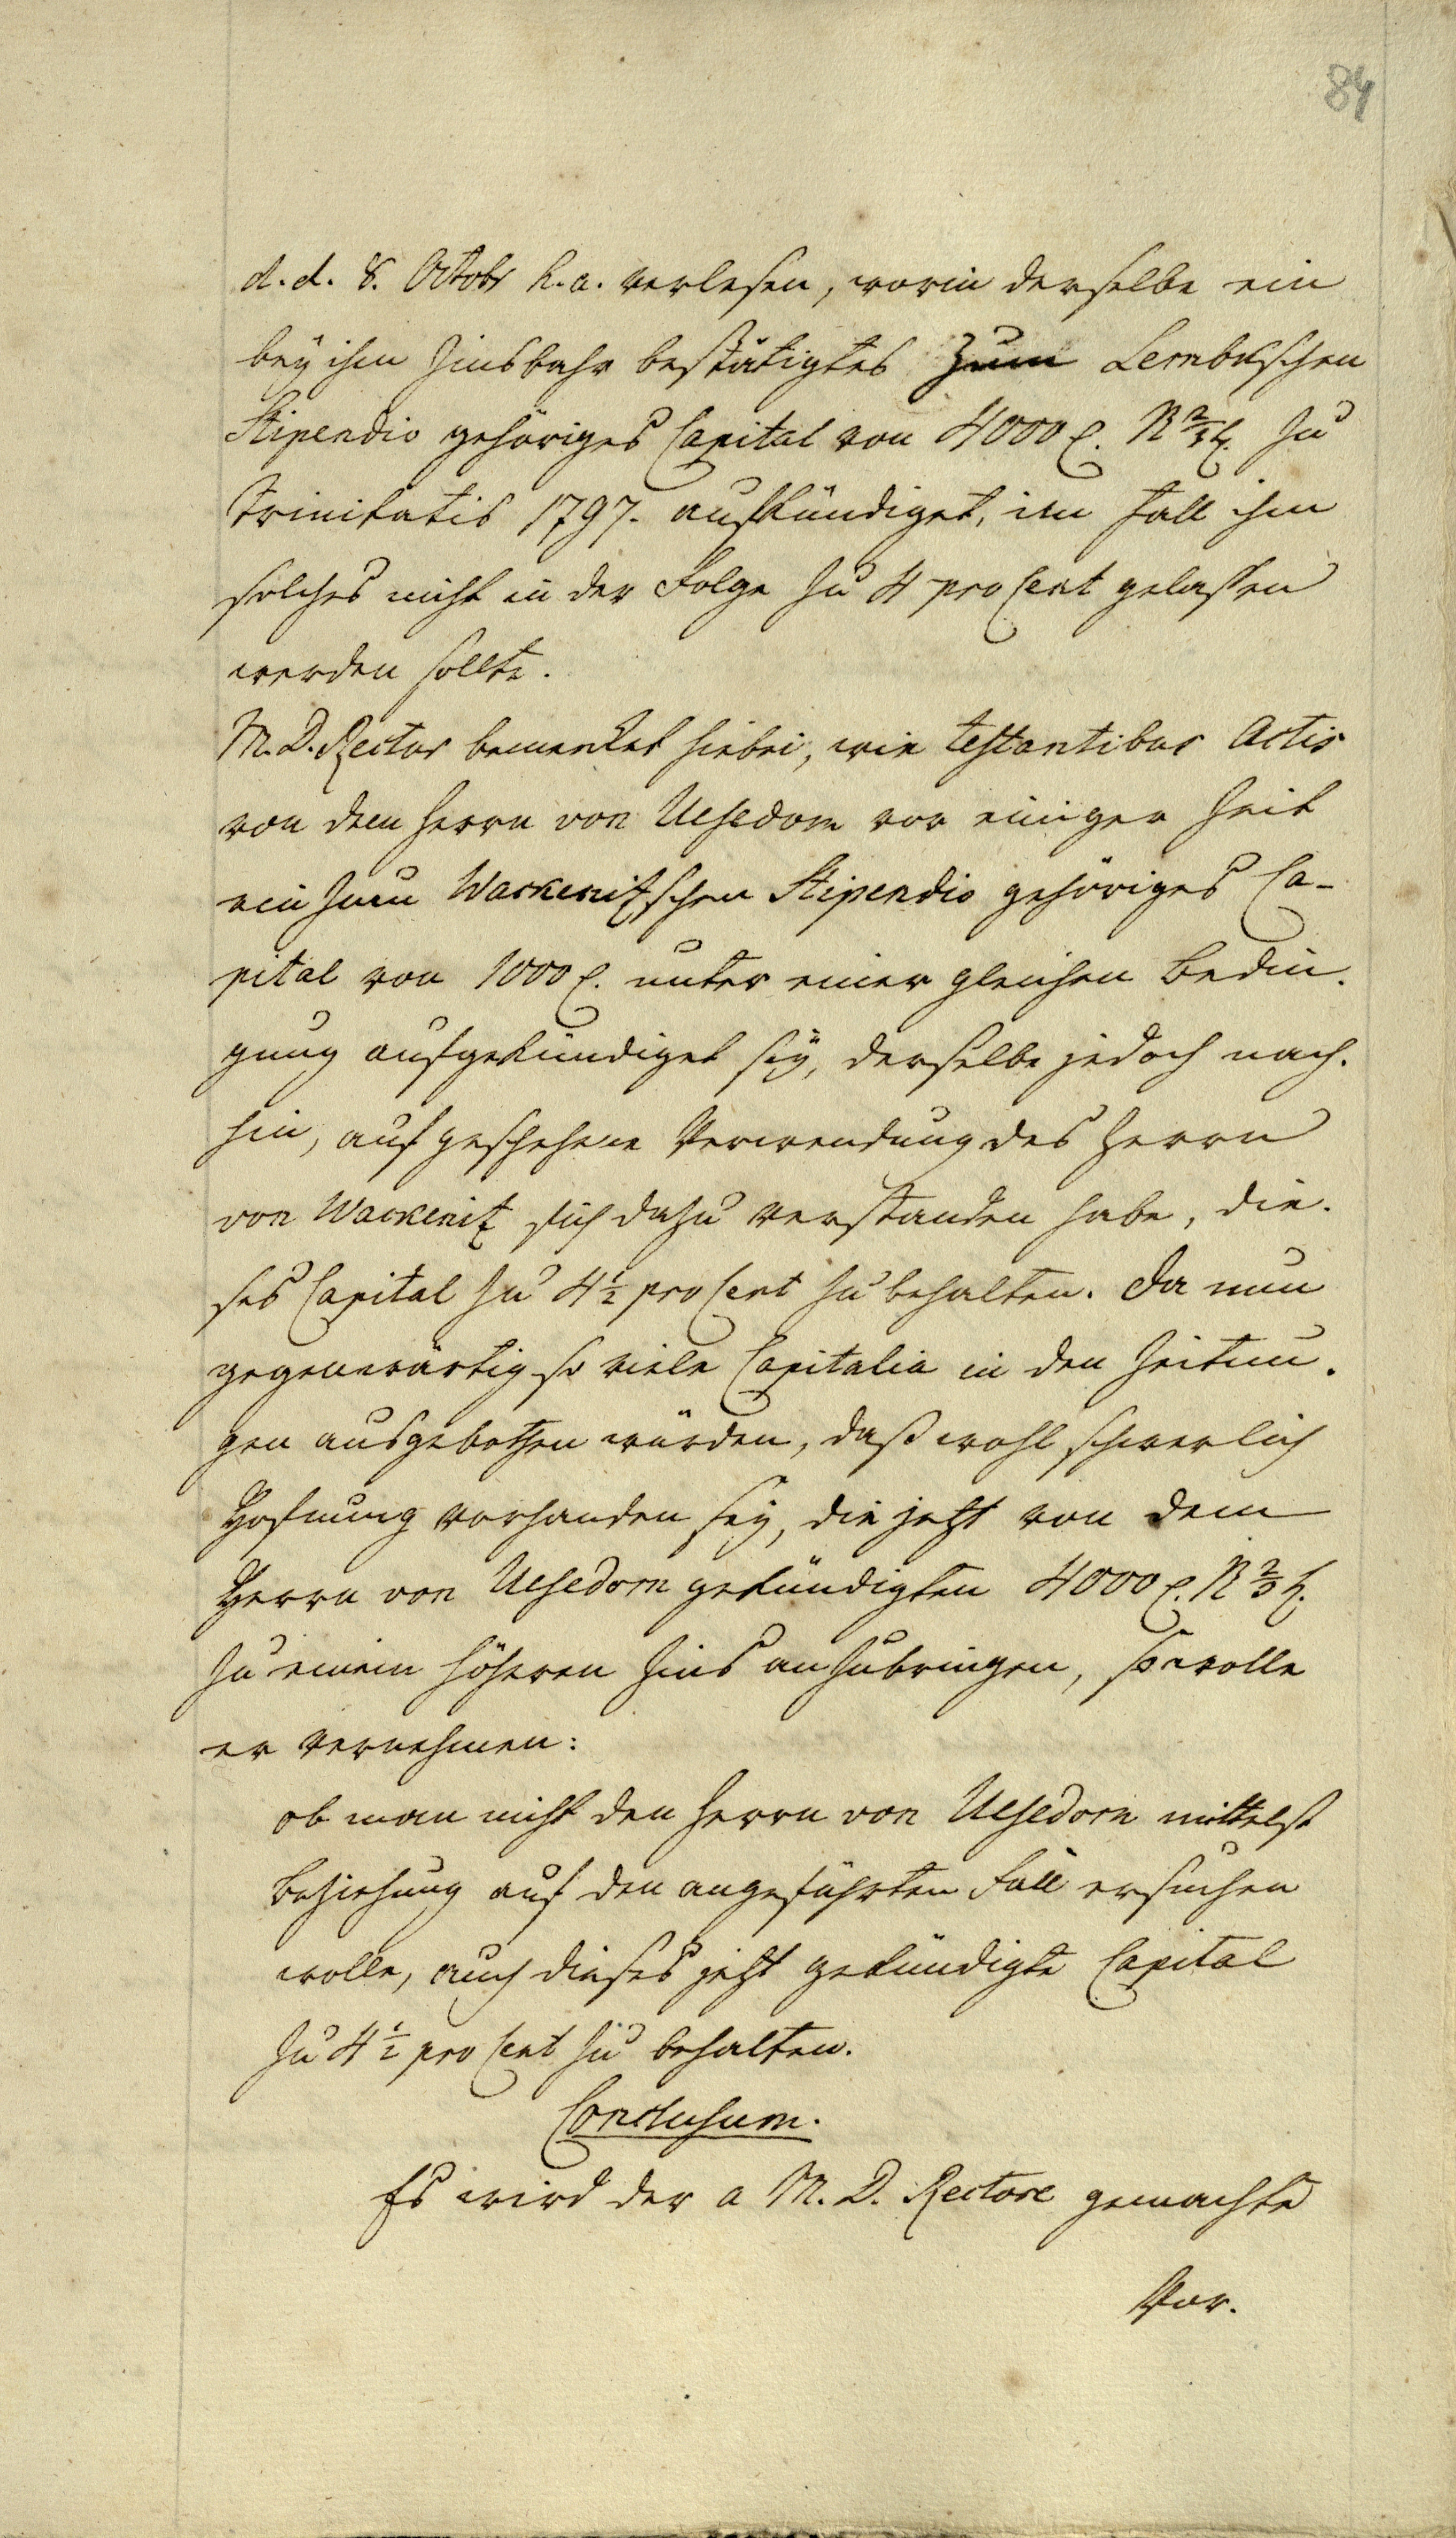d. d. 8. Octobr h. a. verlesen, worin derselbe ein
bei ihm zinsbahr bestätigtes zum Lembkschen
Stipendio gehöriges Capital von 4000 l. N ¾ s. zu
Trinitatis 1797. aufkündiget, im Fall ihm
solches nicht in der Folge zu 4 pro Cent gelassen
werden sollte.
M. D. Rector bemerket hiebei, wie testantibus Actis
von dem Herrn von Uesedom vor einiger Zeit
ein zum Wackenitzschen Stipendio gehöriges Ca¬
pital von 1000 l. unter einer gleichen Bedin¬
gung aufgekündiget seÿ, derselbe jedoch nach
hin, auf geschehene Verwendung des Herrn
von Wackenitz sich dazu verstanden habe, die¬
ses Capital zu 4 ½ pro Cent zu behalten. Da nun
gegenwärtig so viele Capitalia in den Zeitun¬
gen ausgebothen würden, daß wohl schwerlich
Hofnung vorhanden seÿ, die jetzt von dem
Herrn von Uesedom gekündigten 4000 l. N ¾ h.
zu einem höheren Zins anzubringen, so wolle
er vernehmen:
ob man nicht den Herrn von Uesedom mittelst
Beziehung auf den angeführten Fall ersuchen
wolle, auch dieses jetzt gekündigte Capital
zu 4½ pro Cent zu behalten.
Conclusum.
Es wird der a M. D. Rectore gemachte
Vor¬